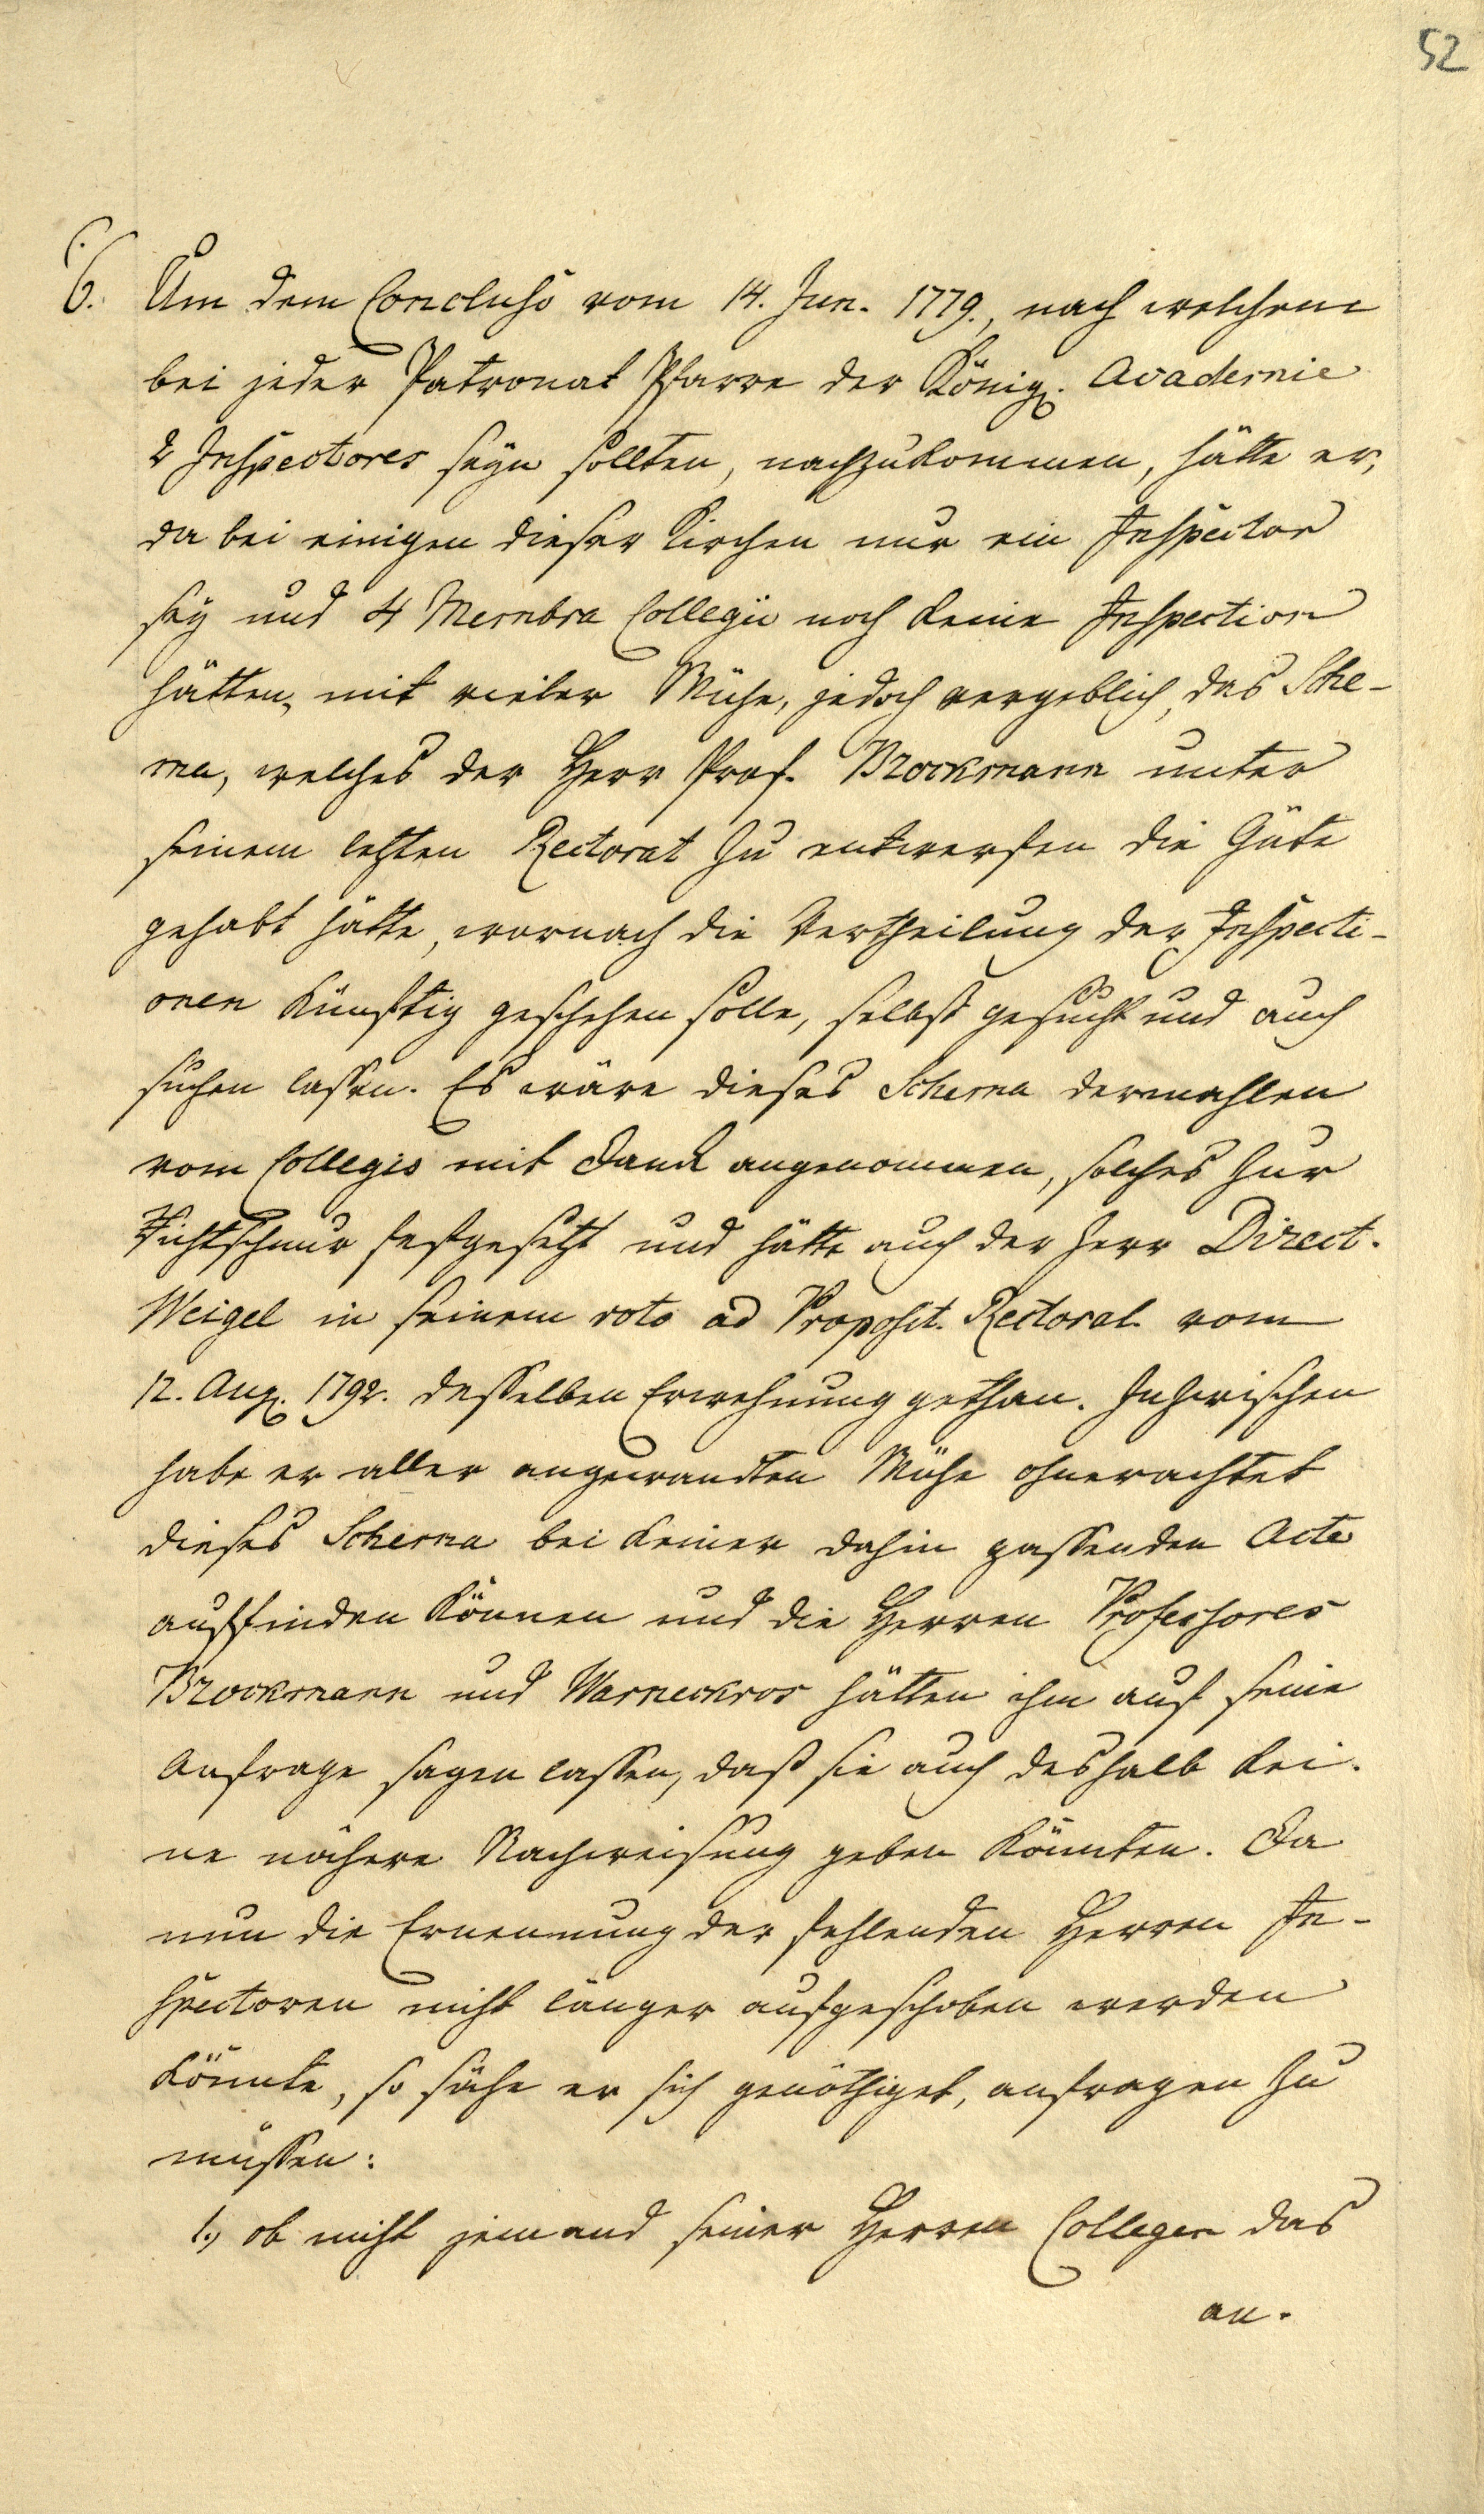6. Um dem Concluso vom 14. Jun. 1779., nach welchem
bei jeder Patronat Pfarre der Königl. Academie
2 Inspectores seyn sollten, nachzukommen, hätte er,
da bei einigen dieser Kirchen nur ein Inspector
sey und 4 Membra Collegii noch keine Inspection
hätten, mit vieler Mühe, jedoch vergeblich, das Sche-
ma, welches der Herr Prof. Brockmann unter
seinem letzten Rectorat zu entwerfen die Güte
gehabt hätte, wornach die Vertheilung der Inspecti-
onen künftig geschehen solle, selbst gesucht und auch
suchen lassen. Es wäre dieses Schema dermahlen
vom Collegio mit Dank angenommen, solches zur
Richtschnur festgesetzt und hätte auch der Herr Direct.
Weigel in seinem voto ad Proposit. Rectoral. vom
12. Aug. 1792. desselben Erwehnung gethan. Inzwischen
habe er aller angewandten Mühe ohnerachtet
dieses Schema bei keiner dahin passenden Acte
auffinden können und die Herren Professores
Brockmann und Warneckros hätten ihm auf seine
Anfrage sagen lassen, daß sie auch deshalb kei-
ne nähere Nachweisung geben könnten. Da
nun die Ernennung der fehlenden Herren In-
spectoren nicht länger aufgeschoben werden
könnte, so sähe er sich genöthiget, anfragen zu
müssen:
1., ob nicht jemand seiner Herren Collegen das
an-